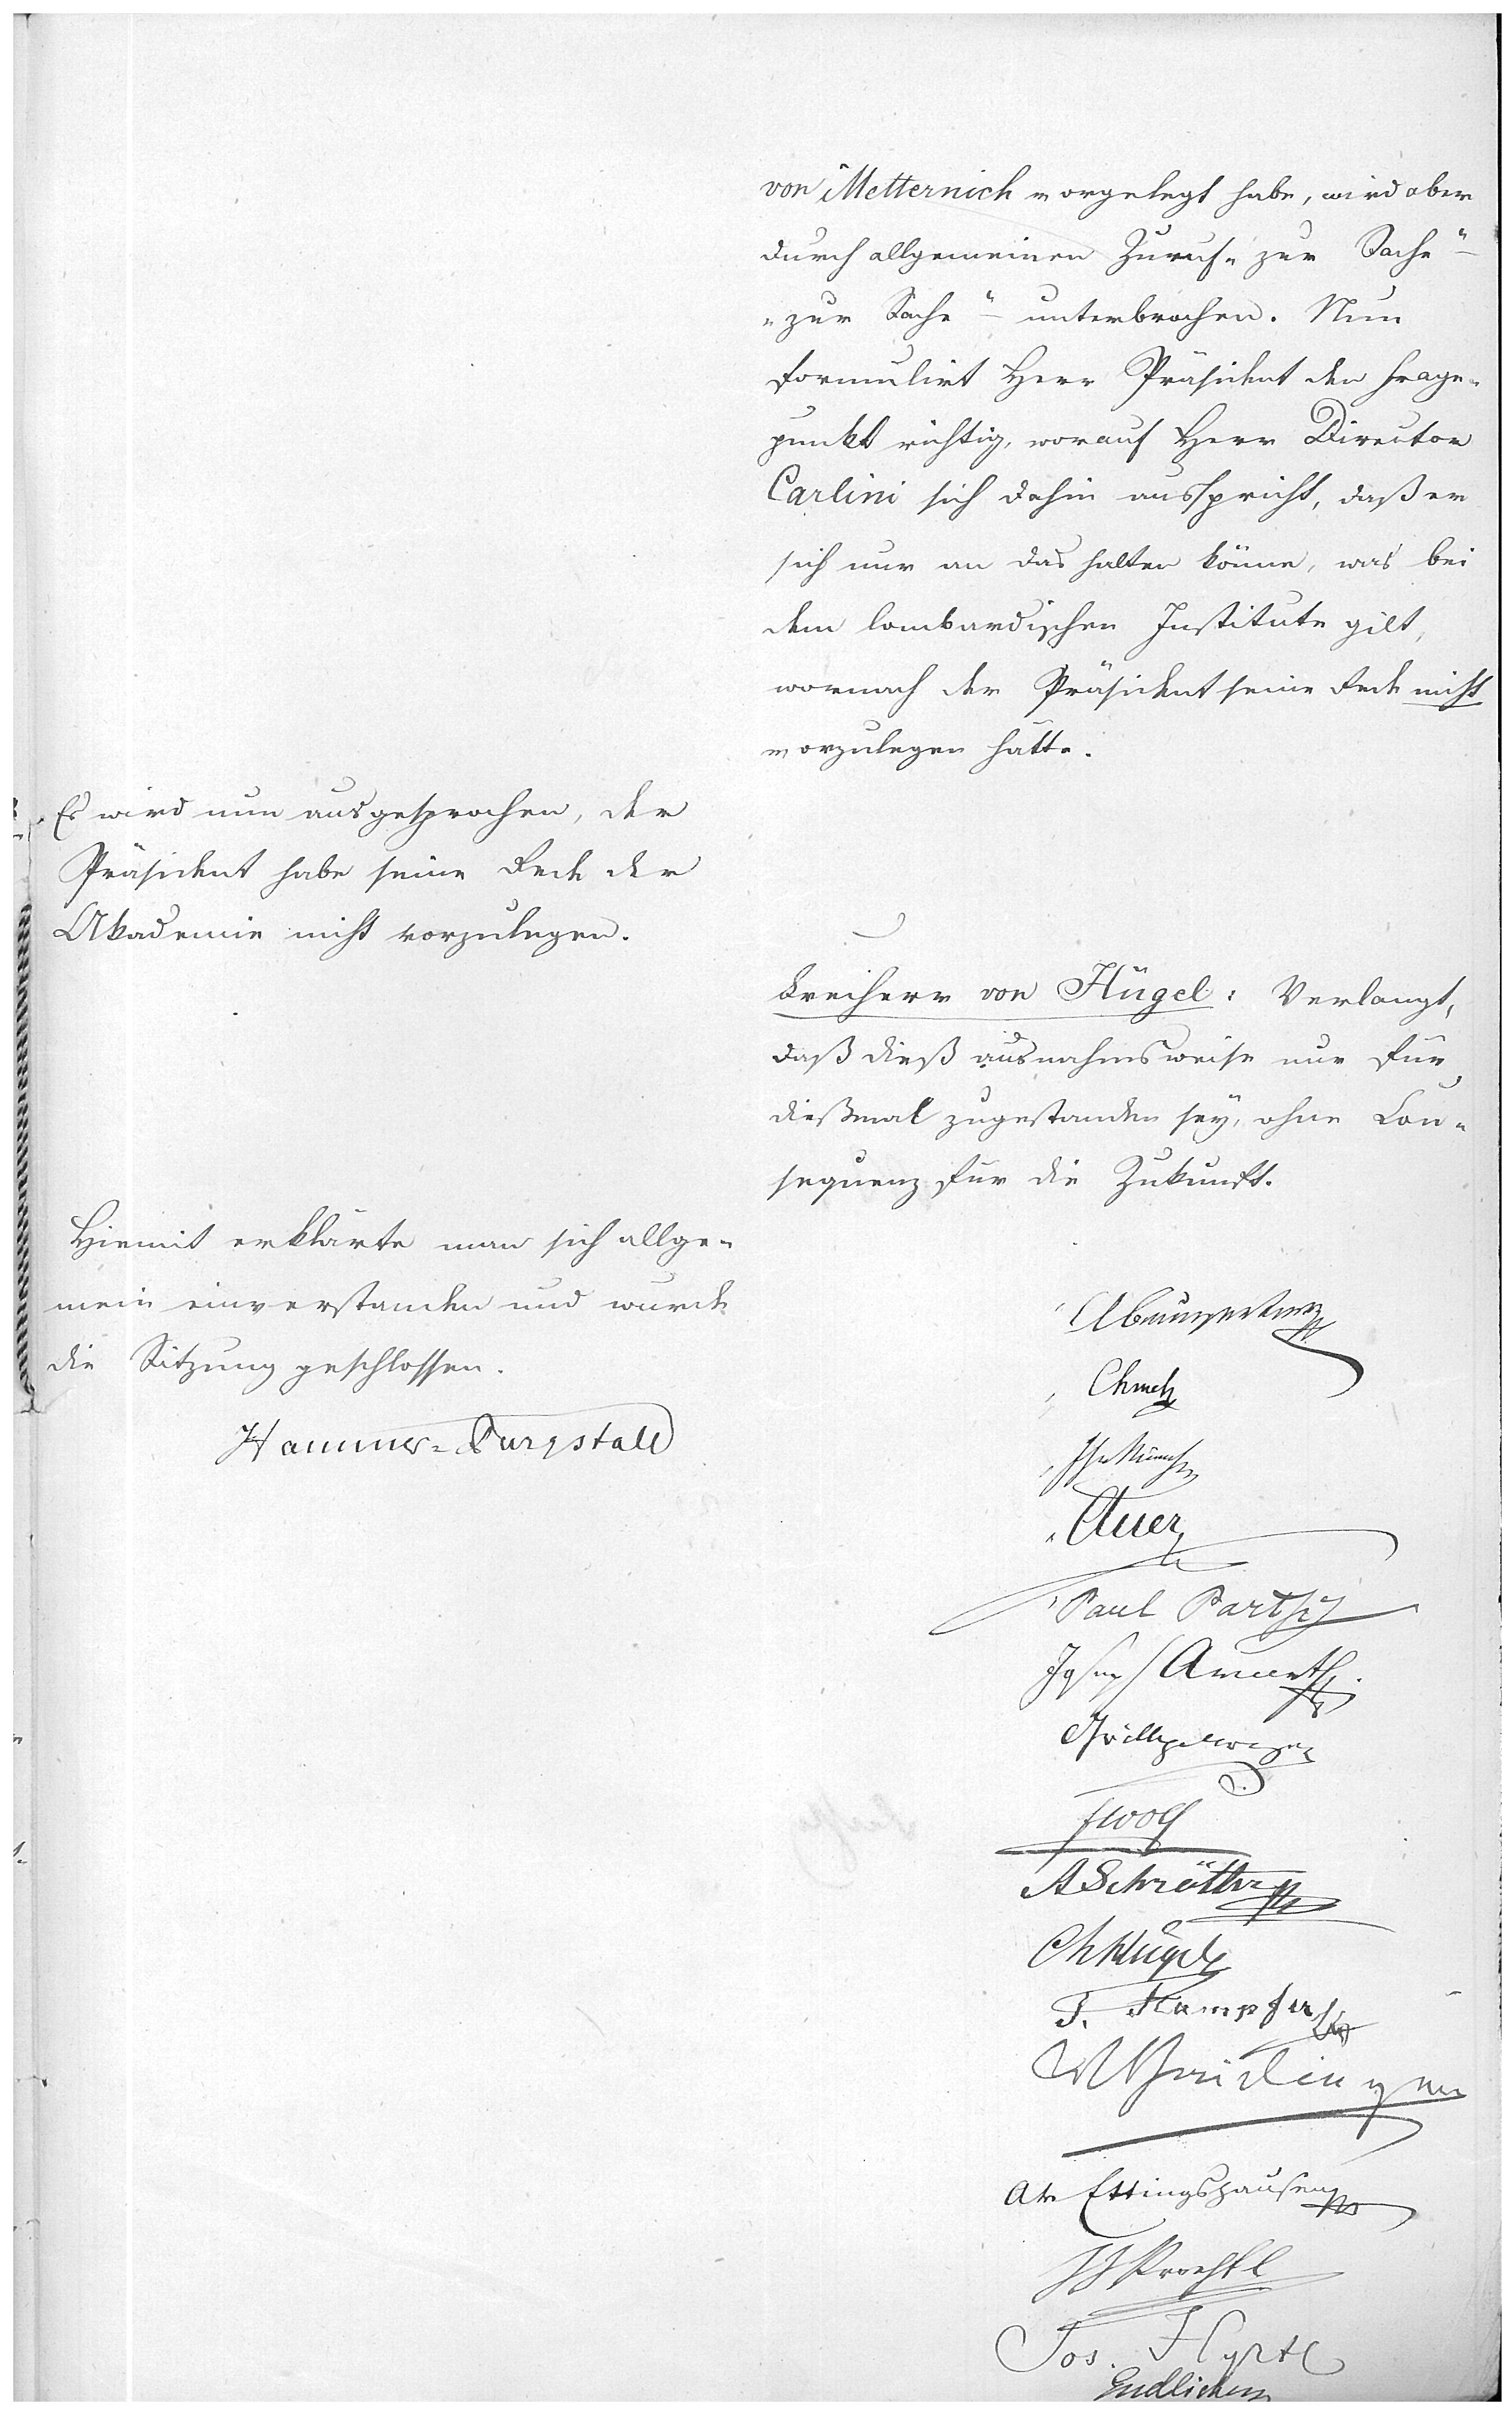von Metternich vorgelegt habe, wird aber
durch allgemeinen Zuruf "zur Sache" -
"zur Sache". - unterbrochen. Nun
formulirt Herr Präsident den Frage-
punkt richtig, worauf Herr Director
Carlini sich dahin ausspricht, daß er
sich nur an das halten könne, was bei
dem lombardischen Institute gilt,
wornach der Präsident seine Rede nicht
vorzulegen hätte.
Es wird nun ausgesprochen, der
Präsident habe seine Rede der
Akademie nicht vorzulegen.
Freiherr von Hügel: Verlangt,
daß dieß ausnahmsweise nur für
dießmal zugestanden seye, ohne Con-
sequenz für die Zukunft.
Hiermit erklärte man sich allge-
mein einverstanden und wurde
die Sitzung geschlossen.
Hammer-Purgstall
ABaumgartner
Chmel
FhrMünch
Auer
Paul Partsch
Joseph Arneth
Grillparzer
FWolf
ASchrötter
ChHügel
T. Stampfer
WHaidinger
AvEttingshausen
JJPrechtl
Jos. Hyrtl
Endlicher